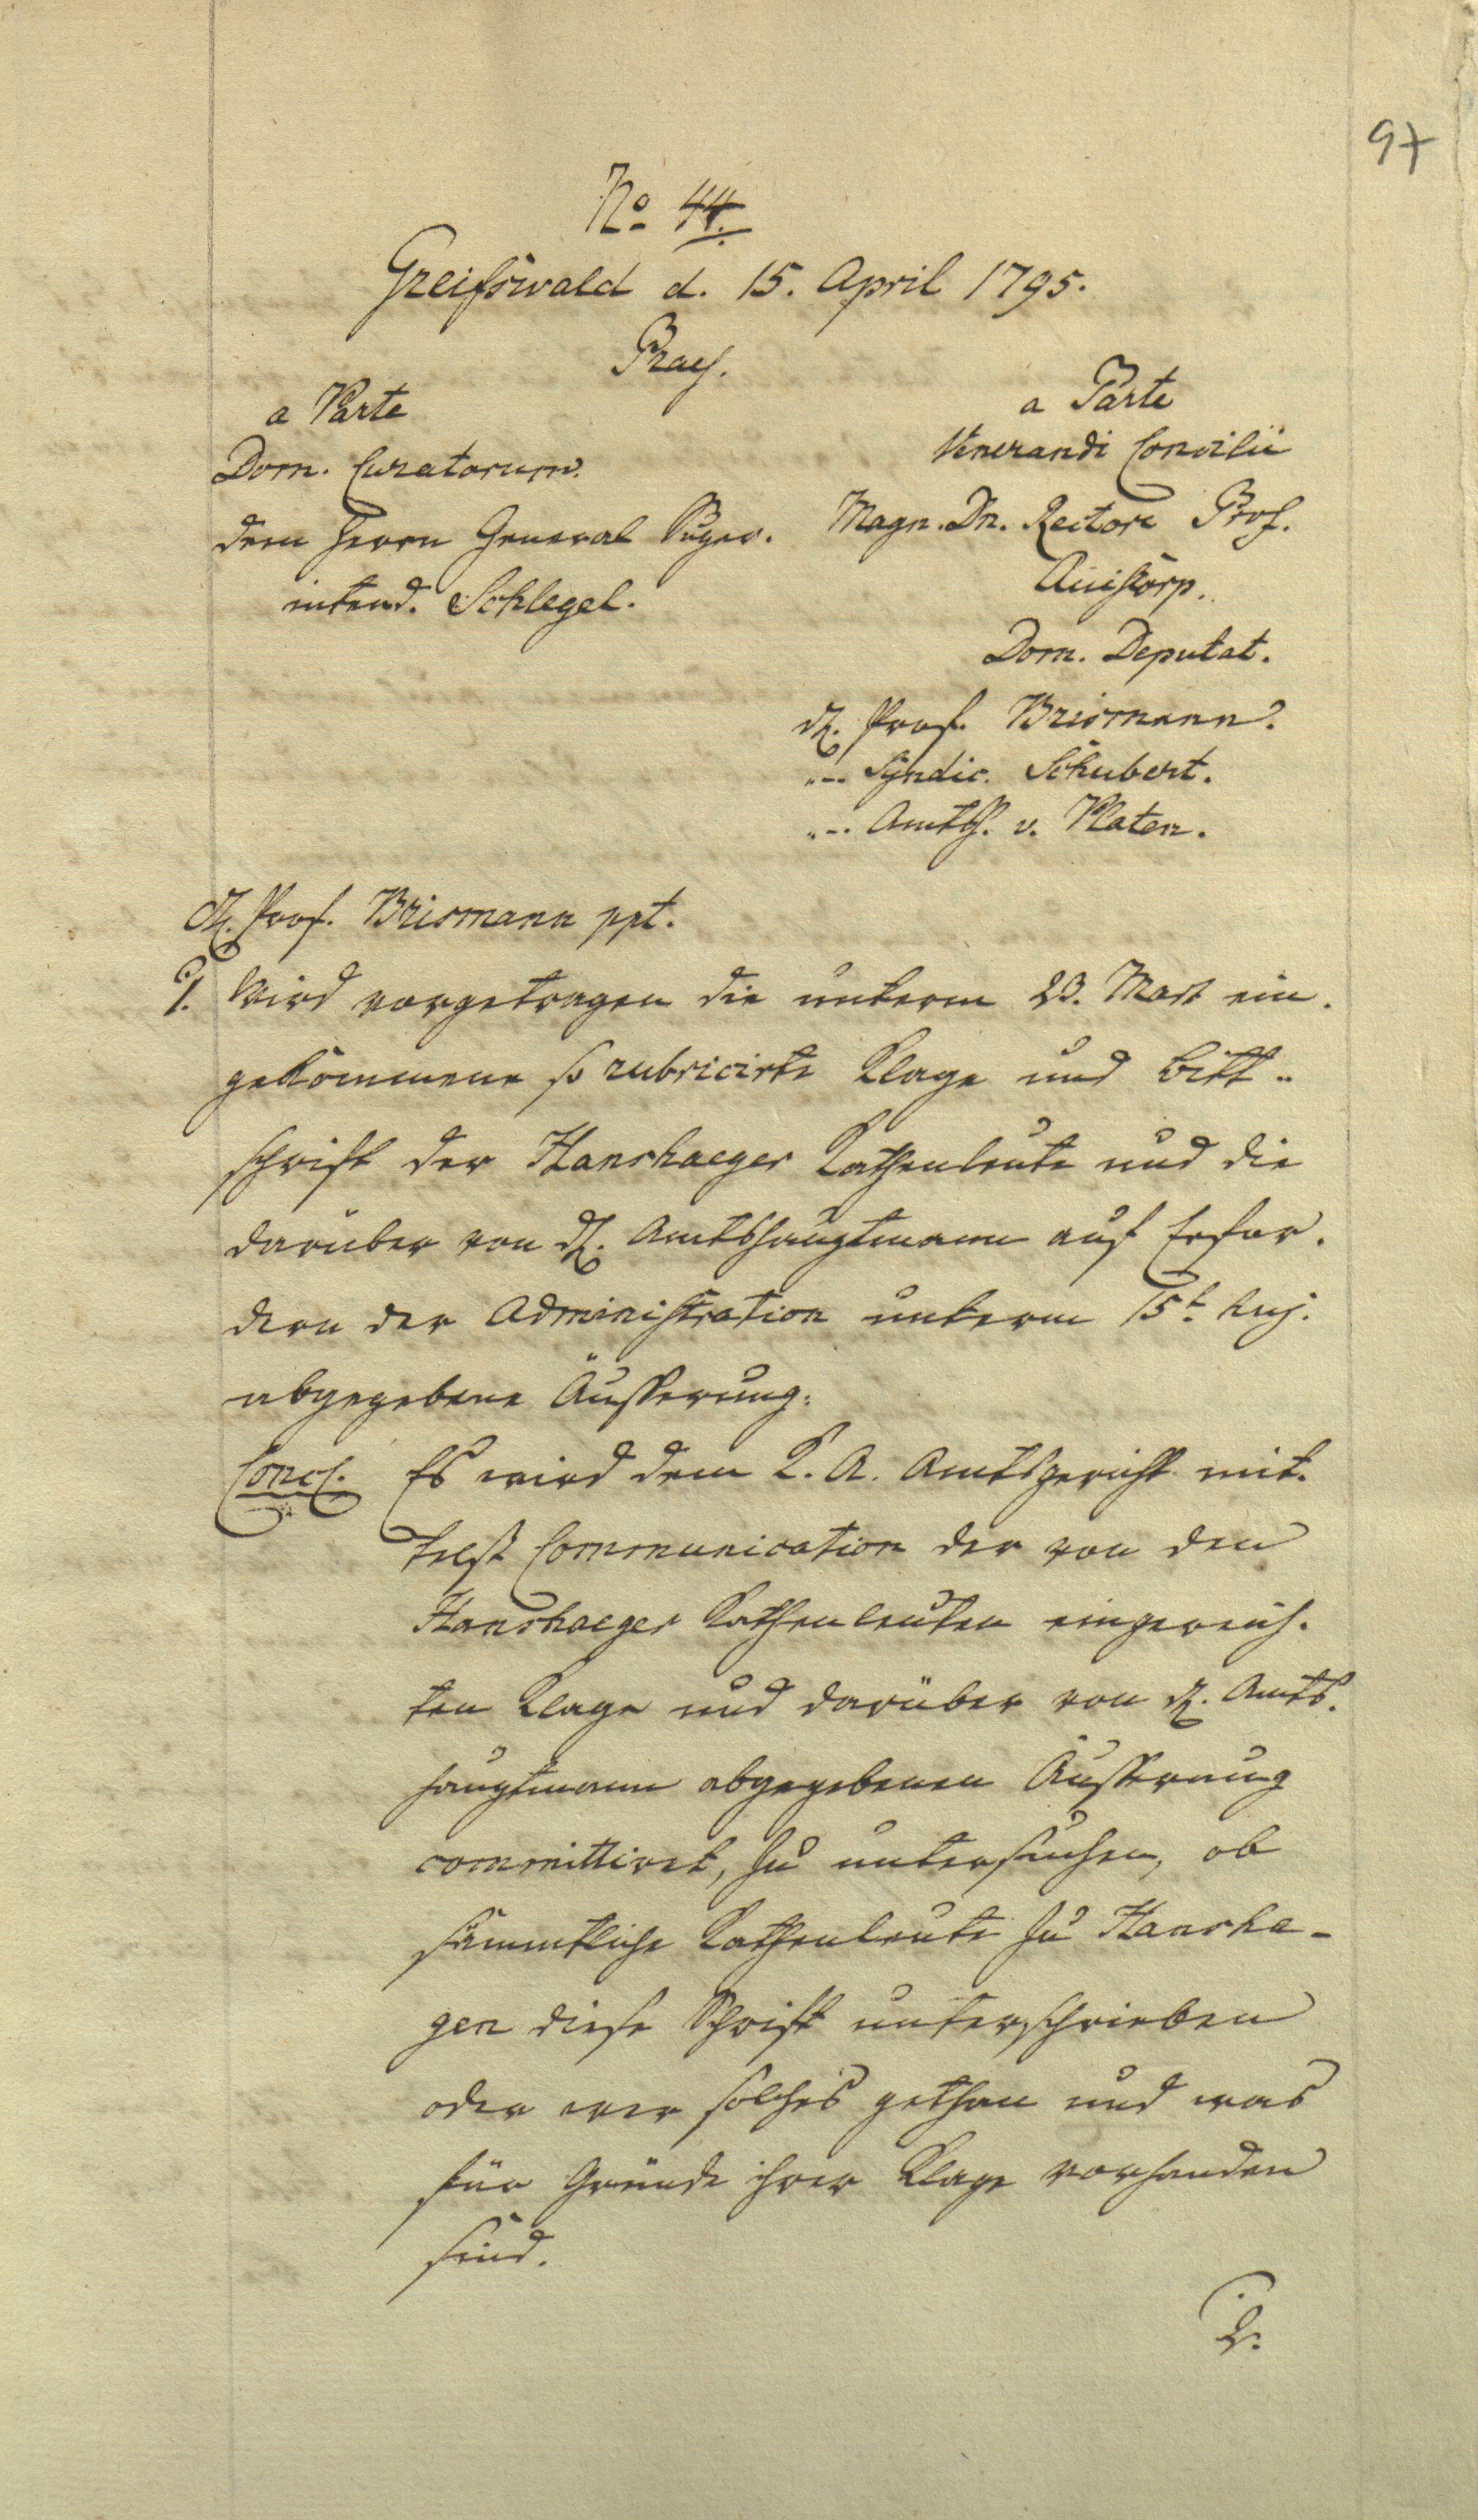No 44.
Greifswald d. 15. April 1795.
Praes.
a Parte a Parte
Dom. Curatorum. Venerandi Concilii
dem Herrn General Super¬ Magn. Dn. Rectore Prof.
intend. Schlegel. Quistorp.
Dom. Deputat.
dh. Prof. Brismann.
Sÿndic. Schubert.
Amtsh. v. Platen.
dh. Prof. Brismann ppt.
1. Wird vorgetragen die unterm 23. Mart ein¬
gekommene so rubricirte Klage und Bitt¬
schrift der Hanshaeger Kathenleute und die
darüber von dh. Amtshauptmann auf Erfor¬
dern der Administration unterm 15 t huj.
abgegebene Äusserung:
Concl. Es wird dem K. A. Amtsgericht mit¬
telst Communication der von den
Hanshaeger Kathenleuten eingereich¬
ten Klage und darüber von dh. Amts¬
hauptmann abgegebenen Äusserung
committiret, zu untersuchen, ob
sämmtliche Kathenleute zu Hansha¬
gen diese Schrift unterschrieben
oder wer solches gethan und was
für Gründe ihrer Klage vorhanden
sind.
2.